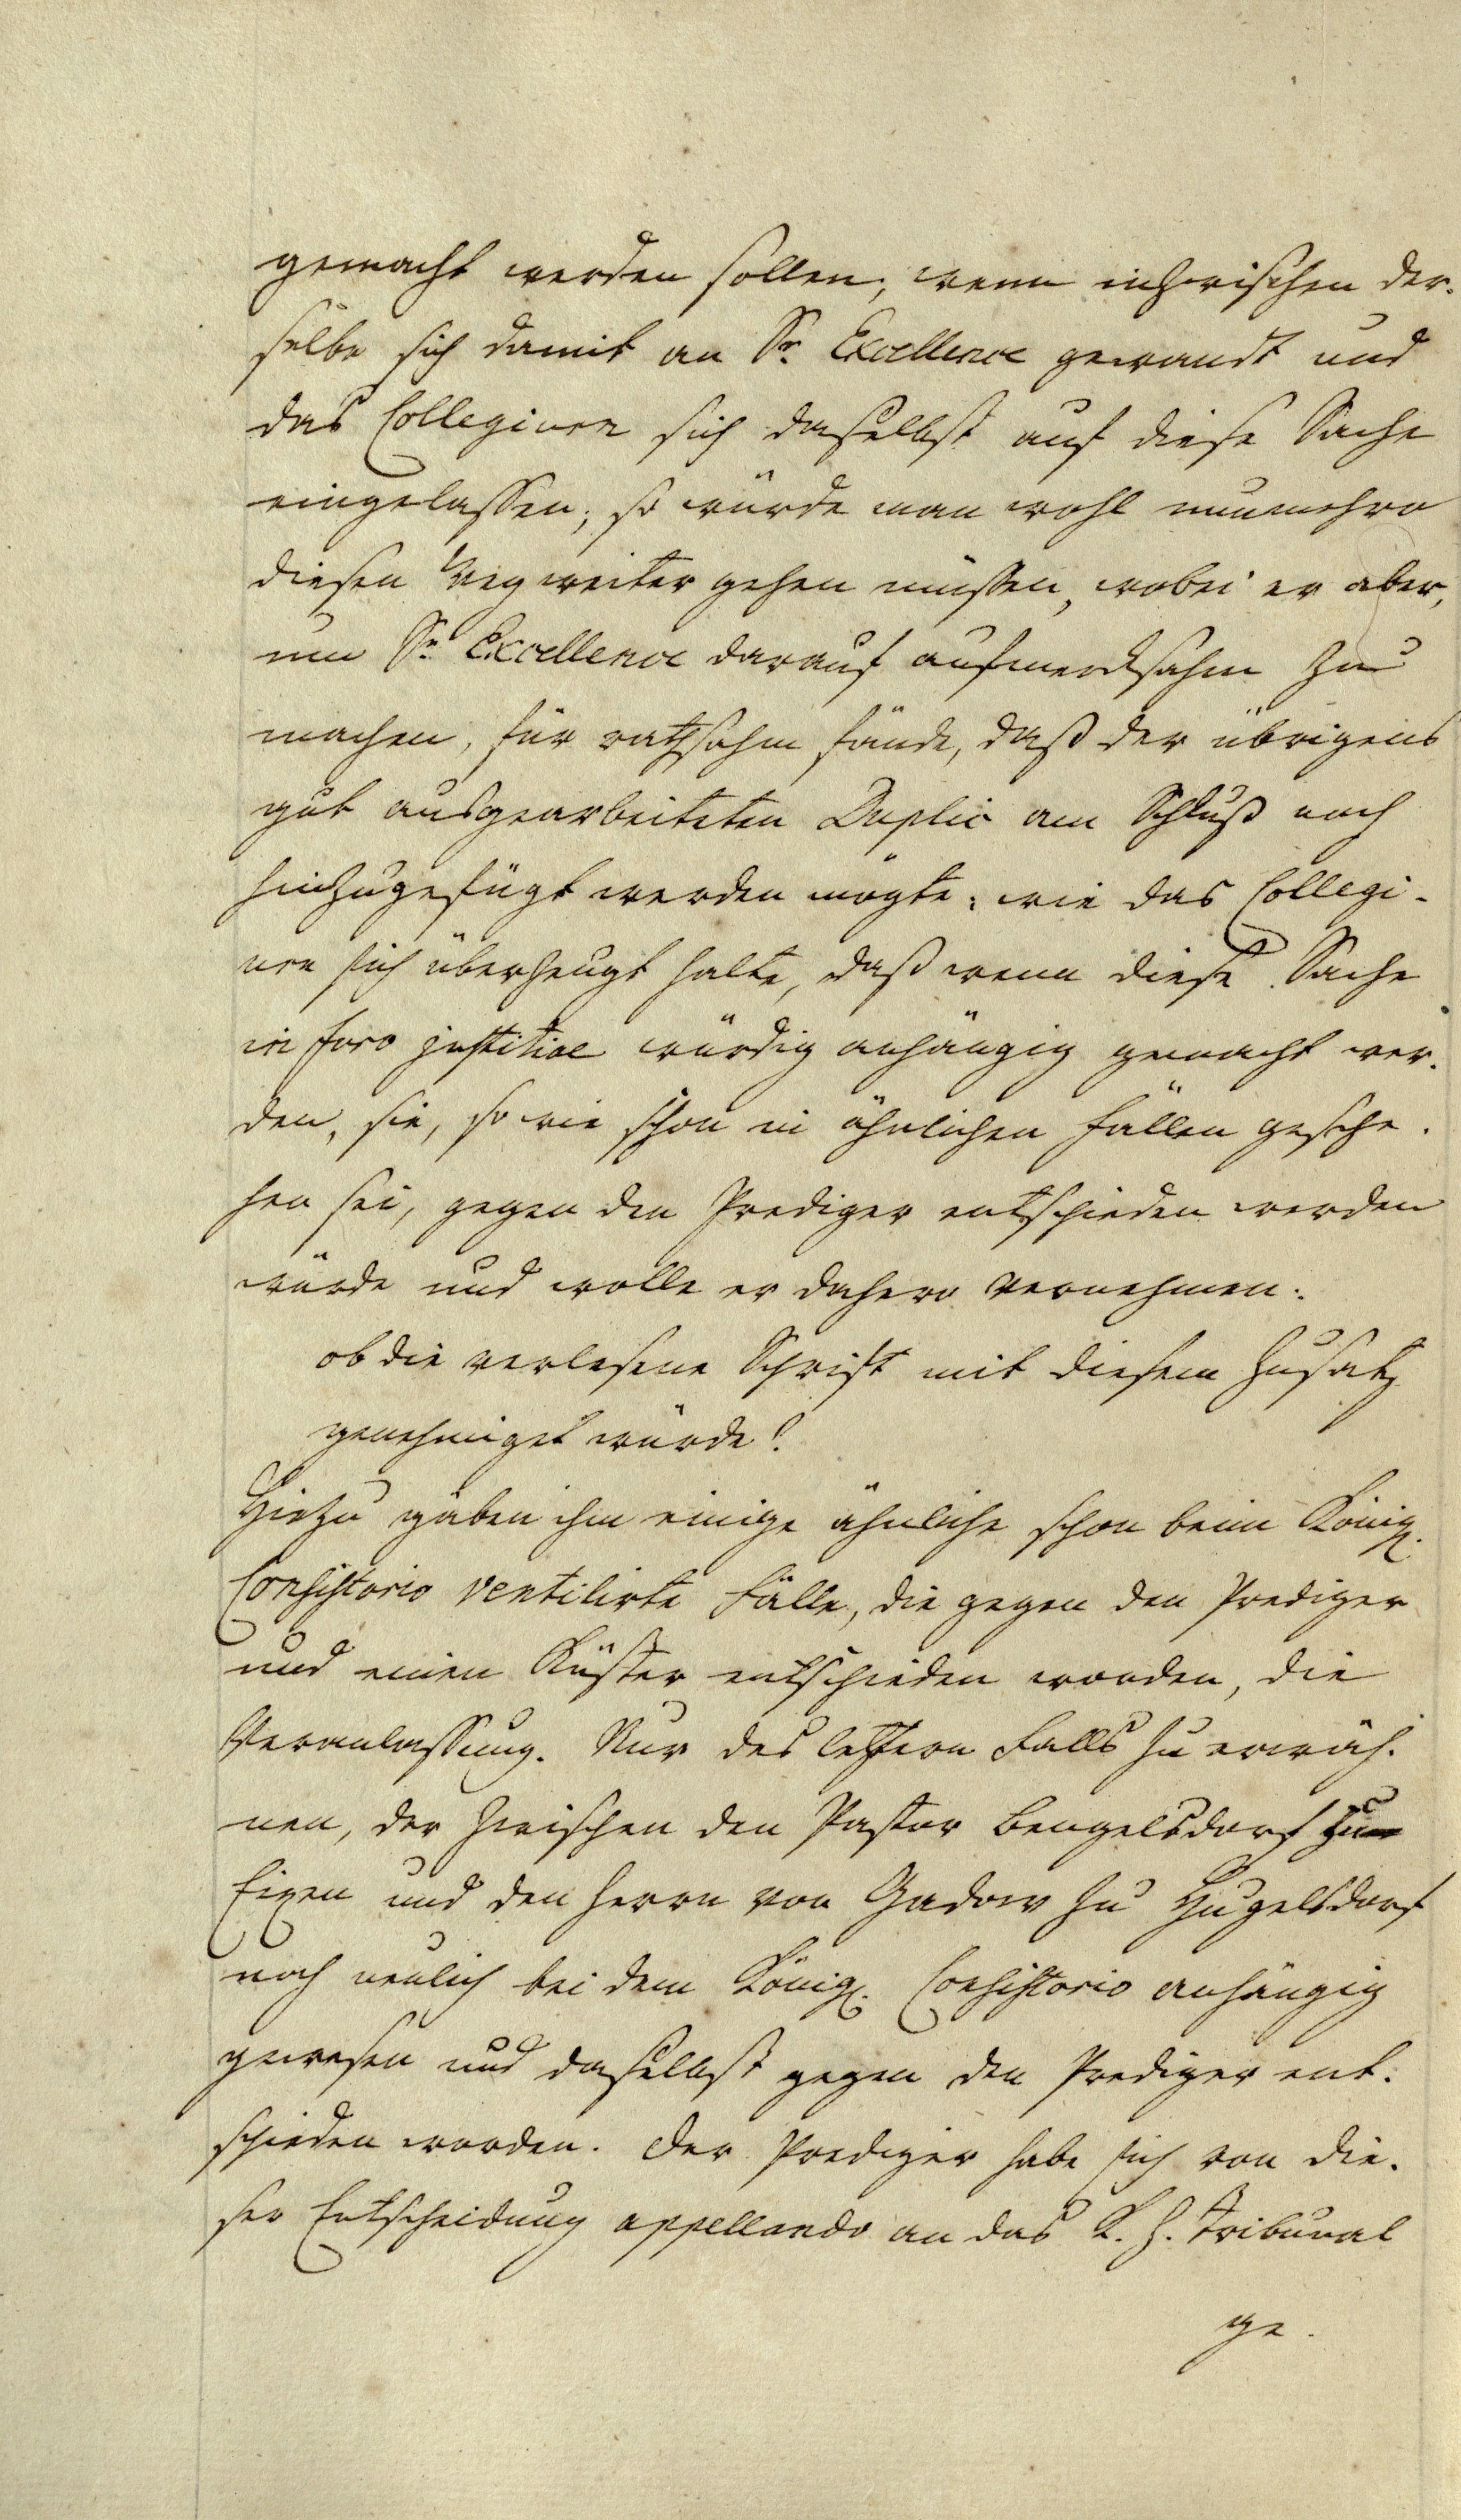gemacht werden sollen, wenn inzwischen der¬
selbe sich damit an Sr Excellence gewandt und
das Collegium sich daselbst auf diese Sache
eingelassen; so würde man wohl nunmehro
diesen Weg weiter gehen müssen, wobei er aber,
um Sr Excellence darauf aufmercksahm zu
machen, für rathsahm fände, daß der übrigens
gut ausgearbeiteten Duplic am Schluß noch
hinzugefügt werden mögte: wie das Collegi¬
um sich überzeugt halte, daß wenn diese Sache
in foro justitiae würdig anhängig gemacht wer¬
den, sie, so wie schon in ähnlichen Fällen gesche¬
hen sei, gegen den Prediger entschieden werden
würde und wolle er daher vernehmen:
ob die verlesene Schrift mit diesem Zusatz
genehmiget würde?
Hiezu gäben ihm einige ähnliche schon beim Königl.
Consistorio ventilirte Fälle, die gegen den Prediger
und einen Küster entschieden worden, die
Veranlassung. Nur des letztern Falls zu erwäh¬
nen, der zwischen den Pastor Bengelsdorf zu
Eixen und den Herrn von Gadow zu Hugelsdorf
noch neulich bei dem Königl. Consistorio anhängig
gewesen und daselbst gegen den Prediger ent¬
schieden worden. Der Prediger habe sich von die¬
ser Entscheidung appellando an das K. h. Tribunal
ge